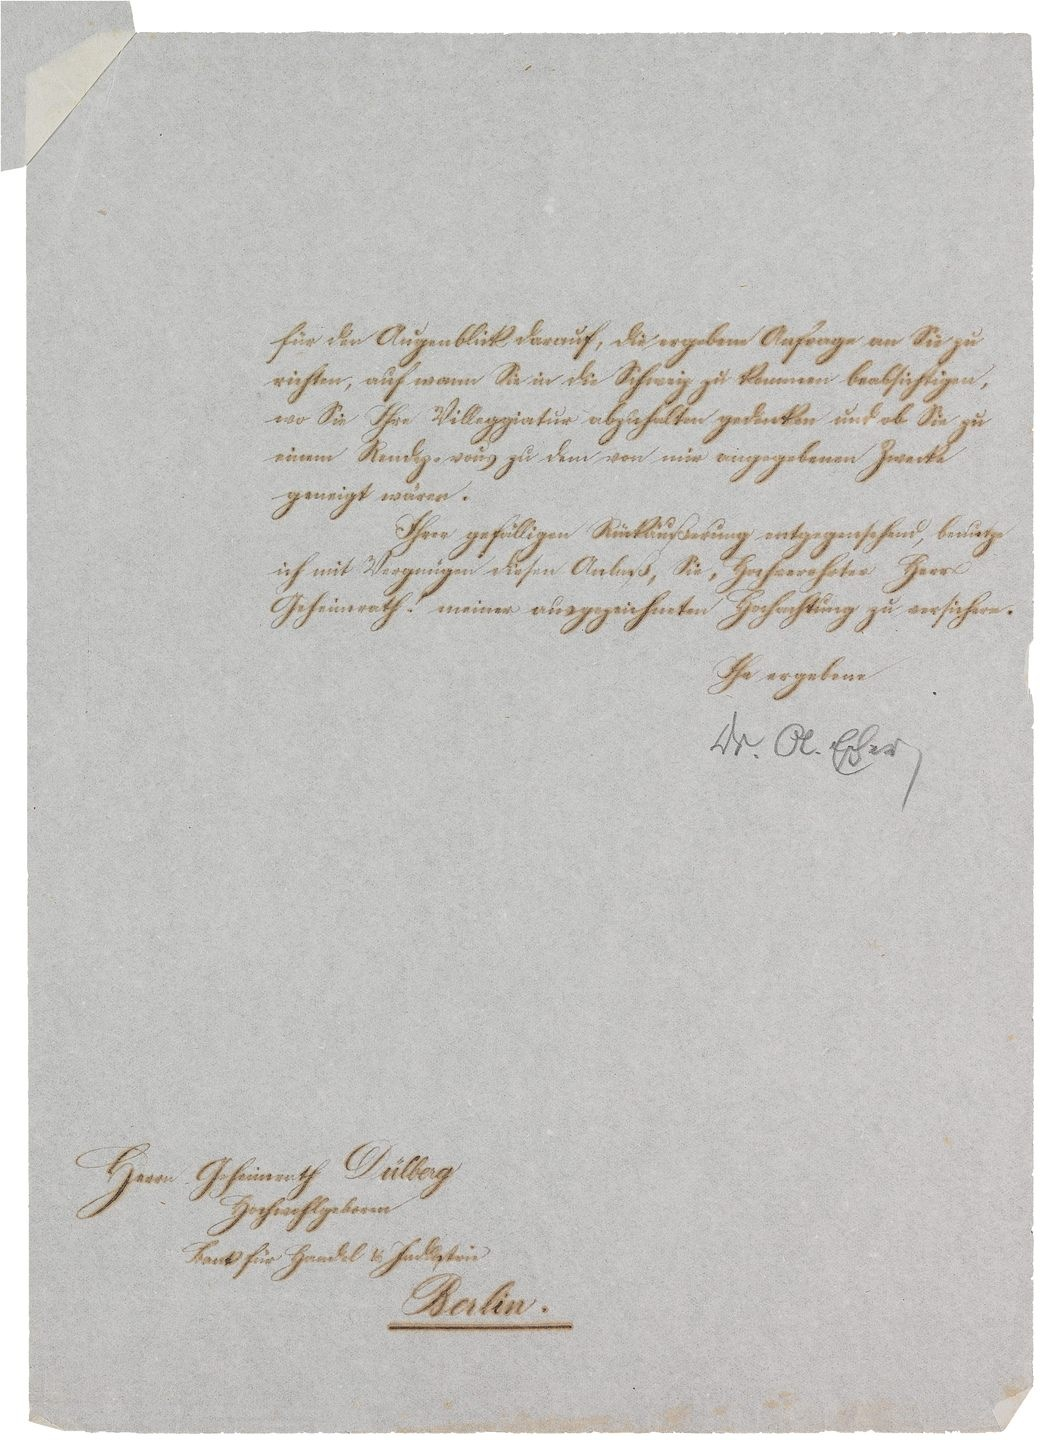für den Augenblick darauf, die ergebene Anfrage an Sie zu
richten, auf wann Sie in die Schweiz zu kommen beabsichtigen,
wo Sie Ihre Villegiatur abzuhalten gedenken und ob Sie zu
geneigt wären.
Ihrer gefälligen Rückäußerung entgegensehend, benutze
ich mit Vergnügen diesen Anlaß, Sie, Hochverehrter Herr
Geheimrath! meiner ausgezeichneten
Hochachtung zu versichern.
Ihr ergebene
Dr A Escher
Herr Geheimrath Dülberg
Hochwohlgeboren
Bank für Handel & Industrie
Berlin.